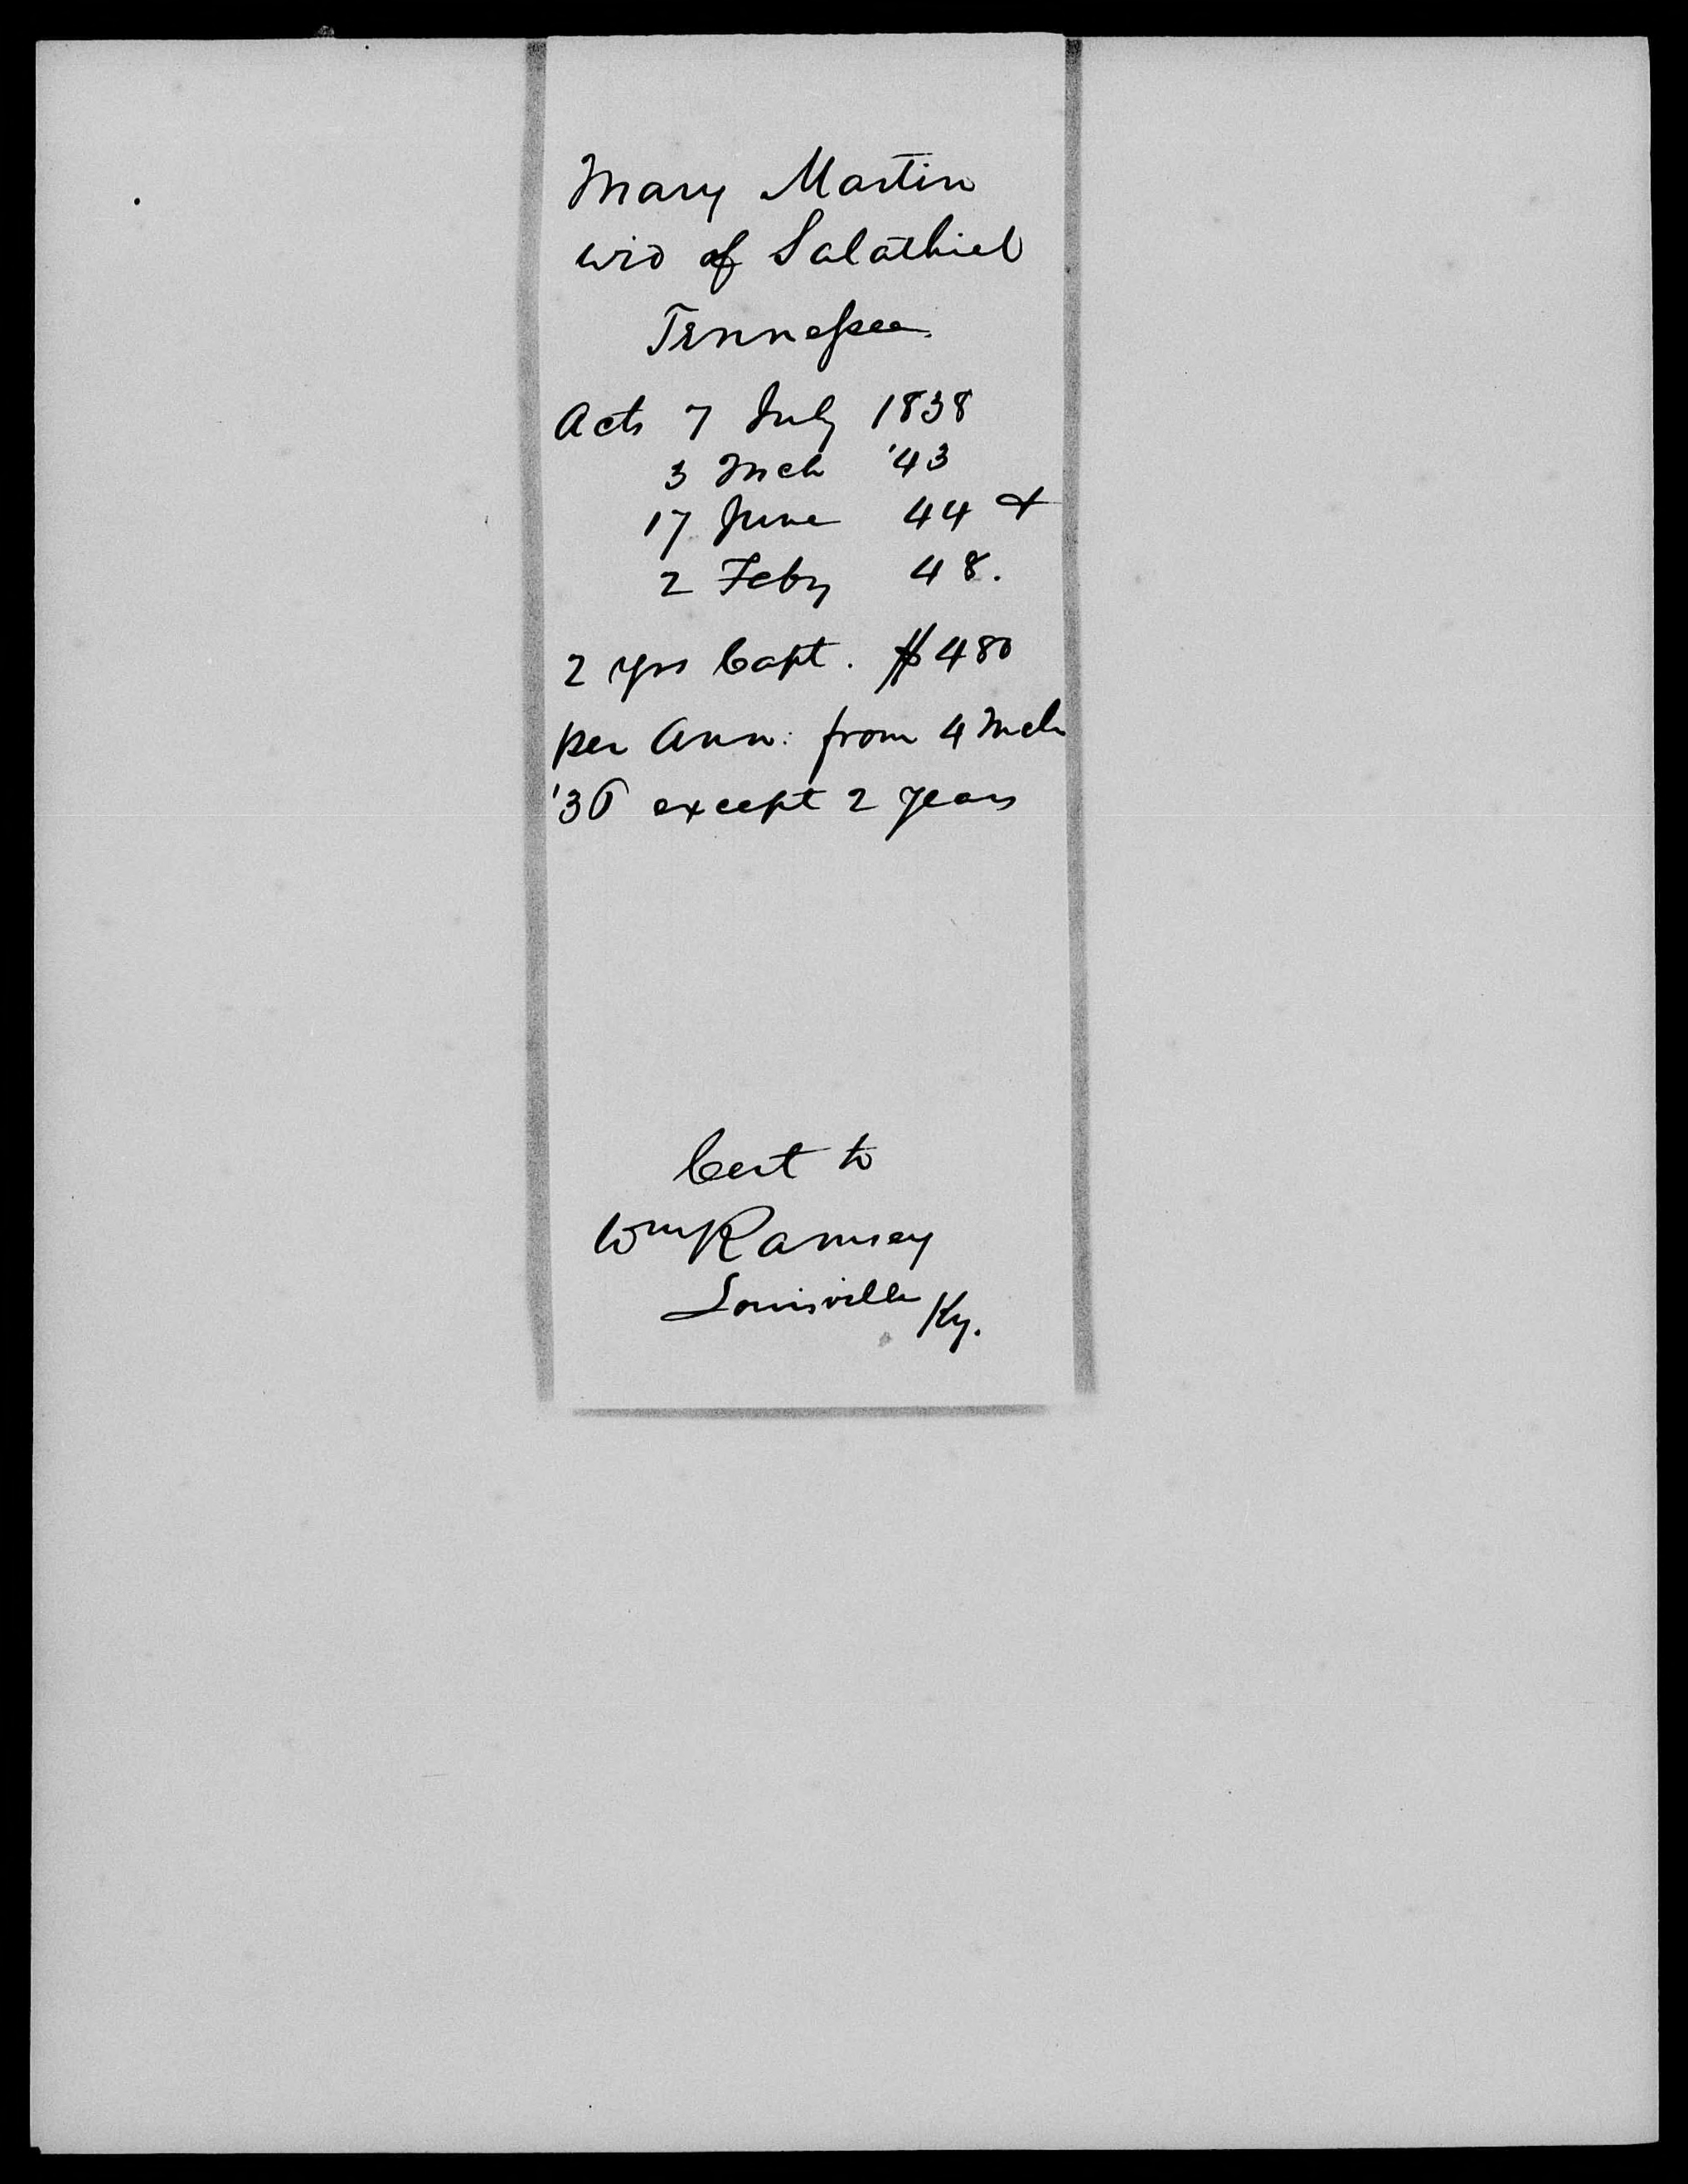Mary Martin
wid of Salathiel
Tennessee
Acts
7 July 1838
3 Mch '43
17 June 44 &
2 Feby 48.

2 yrs Capt. $480
per Ann: from 4 Mch
'36 except 2 years

Cert to
Wm Ramsey
Louisville
Ky.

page: 100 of 120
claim: widow's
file: W. 1044, for Salathiel Martin, North Carolina